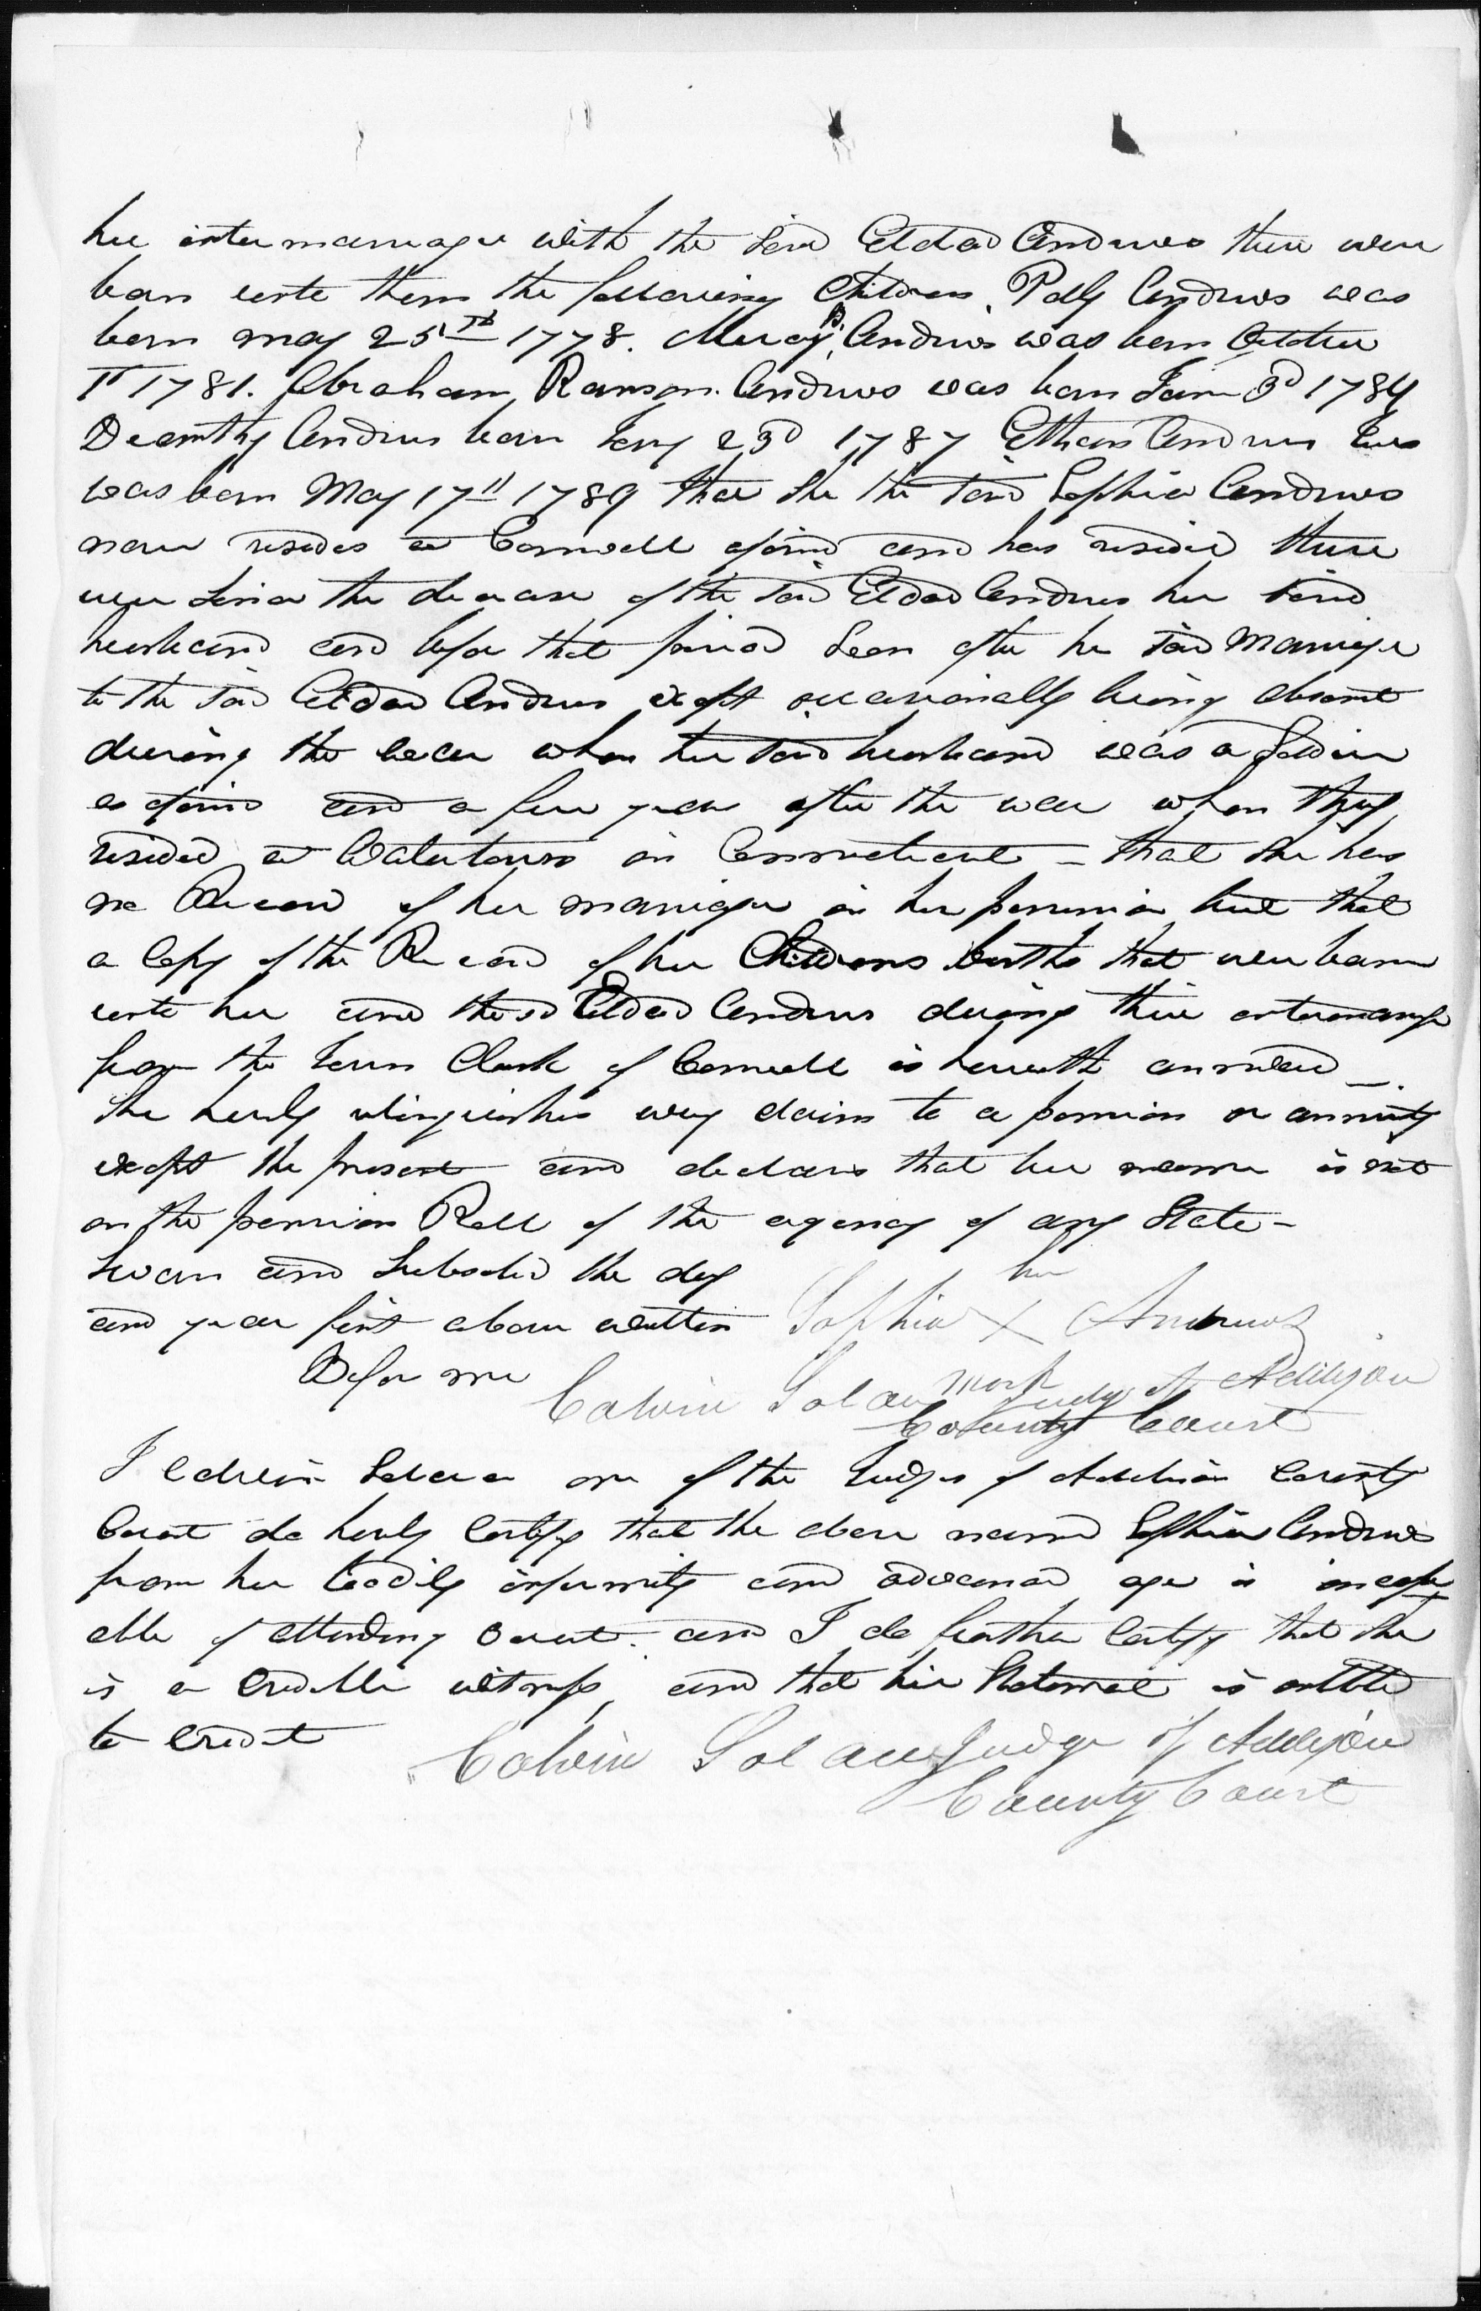her intermanage with the said Eldad Andrews there were ban certe them the following children Polly Andrews was born May 25th 1778.  Mercy Andrews was born October 1781. Abraham Ramon Andrews was born June 3rd 1784, Dorothy Andrews born Jan. 23rd 1787 Esther Andrews  was born May 17th 1789 there she the said Sophia Andrews now resides at Cornnell aforesaid and has resided there
ever since the decease of the said Eldad Andrus her said husband and before that aforesaid seen after her intermarriage to the said Eldad Andrews except occasional being absent
during the hecer when her said husband was a soldier aforesaid and a few year after the war when they resided at Watertown in Connecticut- That she has me record of her marriage in her pensioner but that a copy of the Record of her children birth that were ban certe
her and the said Eldad Andrews during their application from the term Clark of Connell is herethford she hereby relinquishes every claim to a pension or annuity except the present and declare that her name is not on the pension Roll of the agency of any State-
Sworn and subscribed the day and year first above written.       Sophia[X her mark]Andrews
Before me Calvin Galavy,  Judges of Addison County Court 

I Calvin Golan as of the Judge of Addison County Sophia Andrews from her bodily infirmity and advanced age is incapable of attending out and I do further certify that she is a credible witness and that her Paternal is witness & credit

Calvin Golan Judge of Addison County Court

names: Mercy B Andrws, Eldad Andrus, Ethan Andrus, Sophia Andrws, Sophia Andrews, Sophia Andrws, Eldad Andrws, Eldad Andrus, Abraham Ranson Andrws, Deemthy Andrus, Polly Andrws, Eldad Andrus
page: 4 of 27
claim: rejected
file: R. 223, Eldad Andrus, Vt.